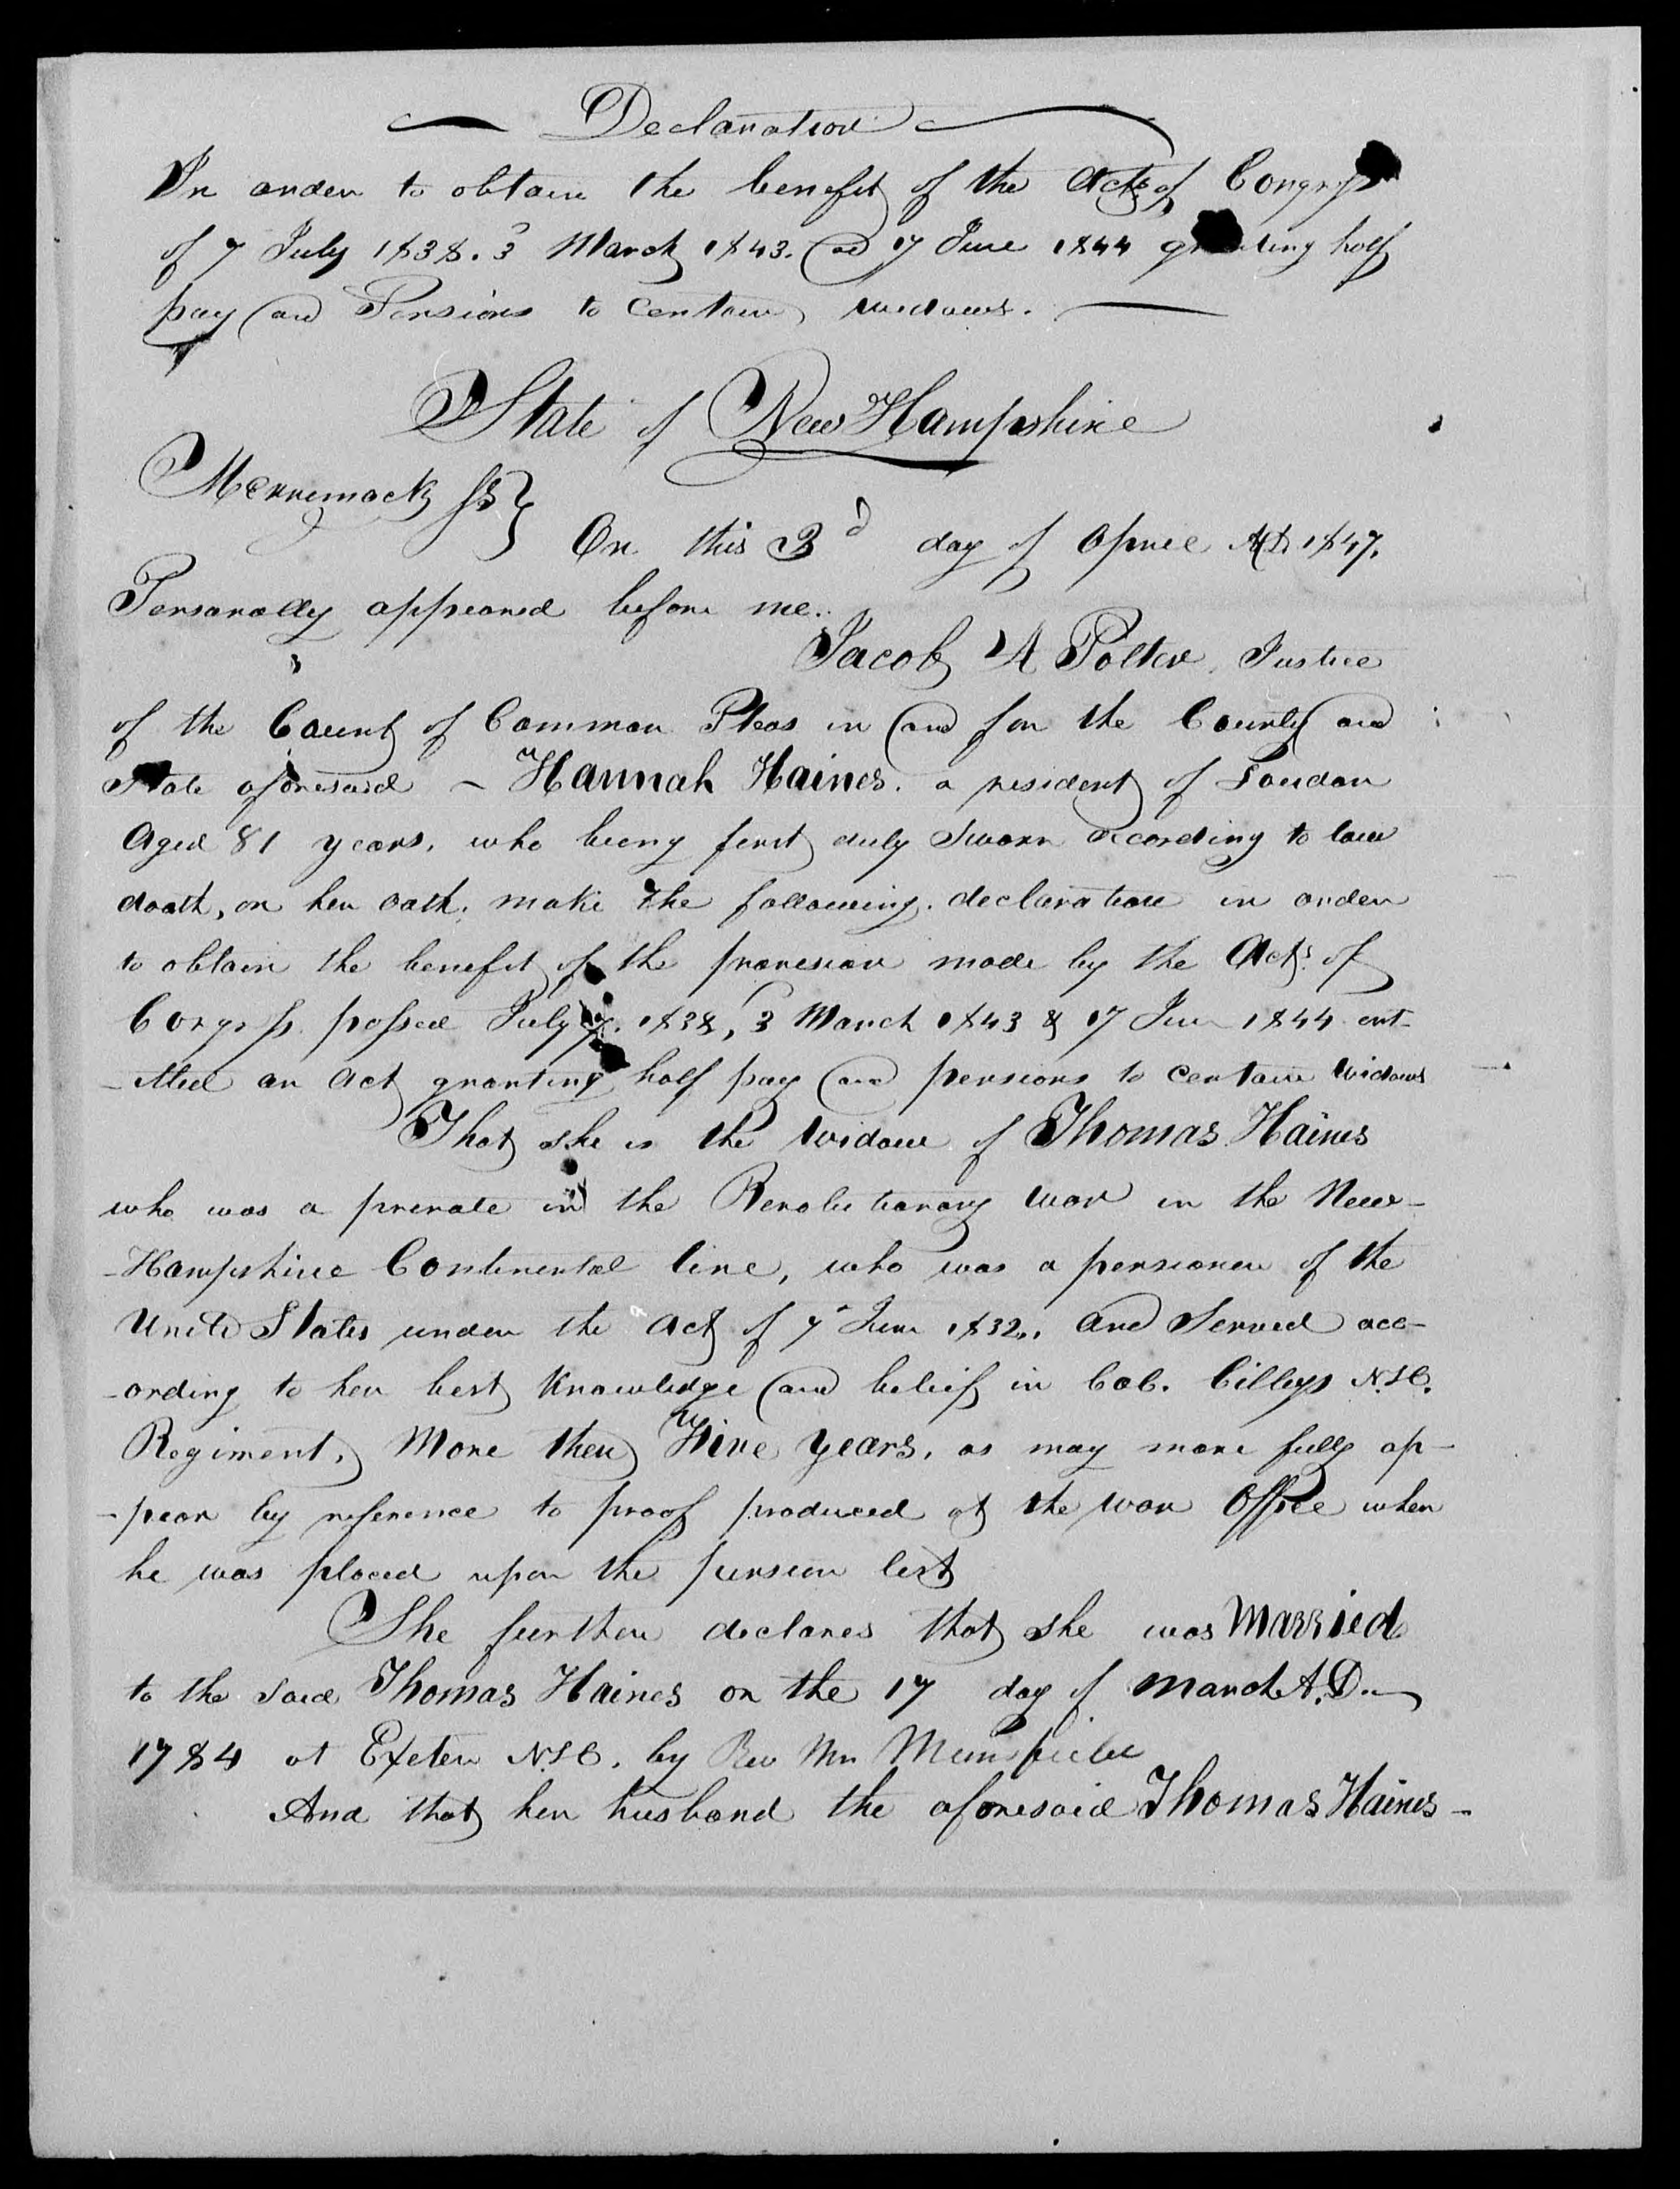——-Declaration——-
In order to obtain the benefit of the Acts of Congress of 7 July 1838. & 3 March 1847 and 17 June 1844 [smeared ?granting] half pay and Pensions to certain widows.

     State of New Hampshire

Merrimack ss } On this 3d day of June AD 1847.
Personally appeared before me.
        Jacob A Potter, Justice
Of the Court of Common Pleas in and for the County and State aforesaid —Hannah Haines— a resident of Loudon Aged 81 years, who being first duly Sworn according to law doeth, on her oath, make the following declarations in order to obtain the benefit of the provision made by the Actsof Congress passed July of 1838, 3 March 1843 & 17 June 1844 entitled an act granting half pay and pensions to certain widows.
     That she is the widow of Thomas Haines who was a private in the Revolutionary War in the New-Hampshire Continental line, who was a pensioner of the United States under the Act of 7th June 1832, and Served according to her best knowledge and belief, in Col. Cillley NH Regiment, More then Five years, as may more fully appear by reference to proof produced at the war Office when he was placed upon the pension list.
      She further declares that she was married to the said Thomas Haines on the 17 day of March A.D. 1784 at Exeter NH, by Rev. Wm. Mansfield.
      And that her husband the aforesaid Thomas Haines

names: Thomas Haines, Cilley, Thomas Haines, Jacob A Potter, Thomas Haines, Hannah Haines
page: 8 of 57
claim: widow's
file: W. 23217, Thomas Haines, N H